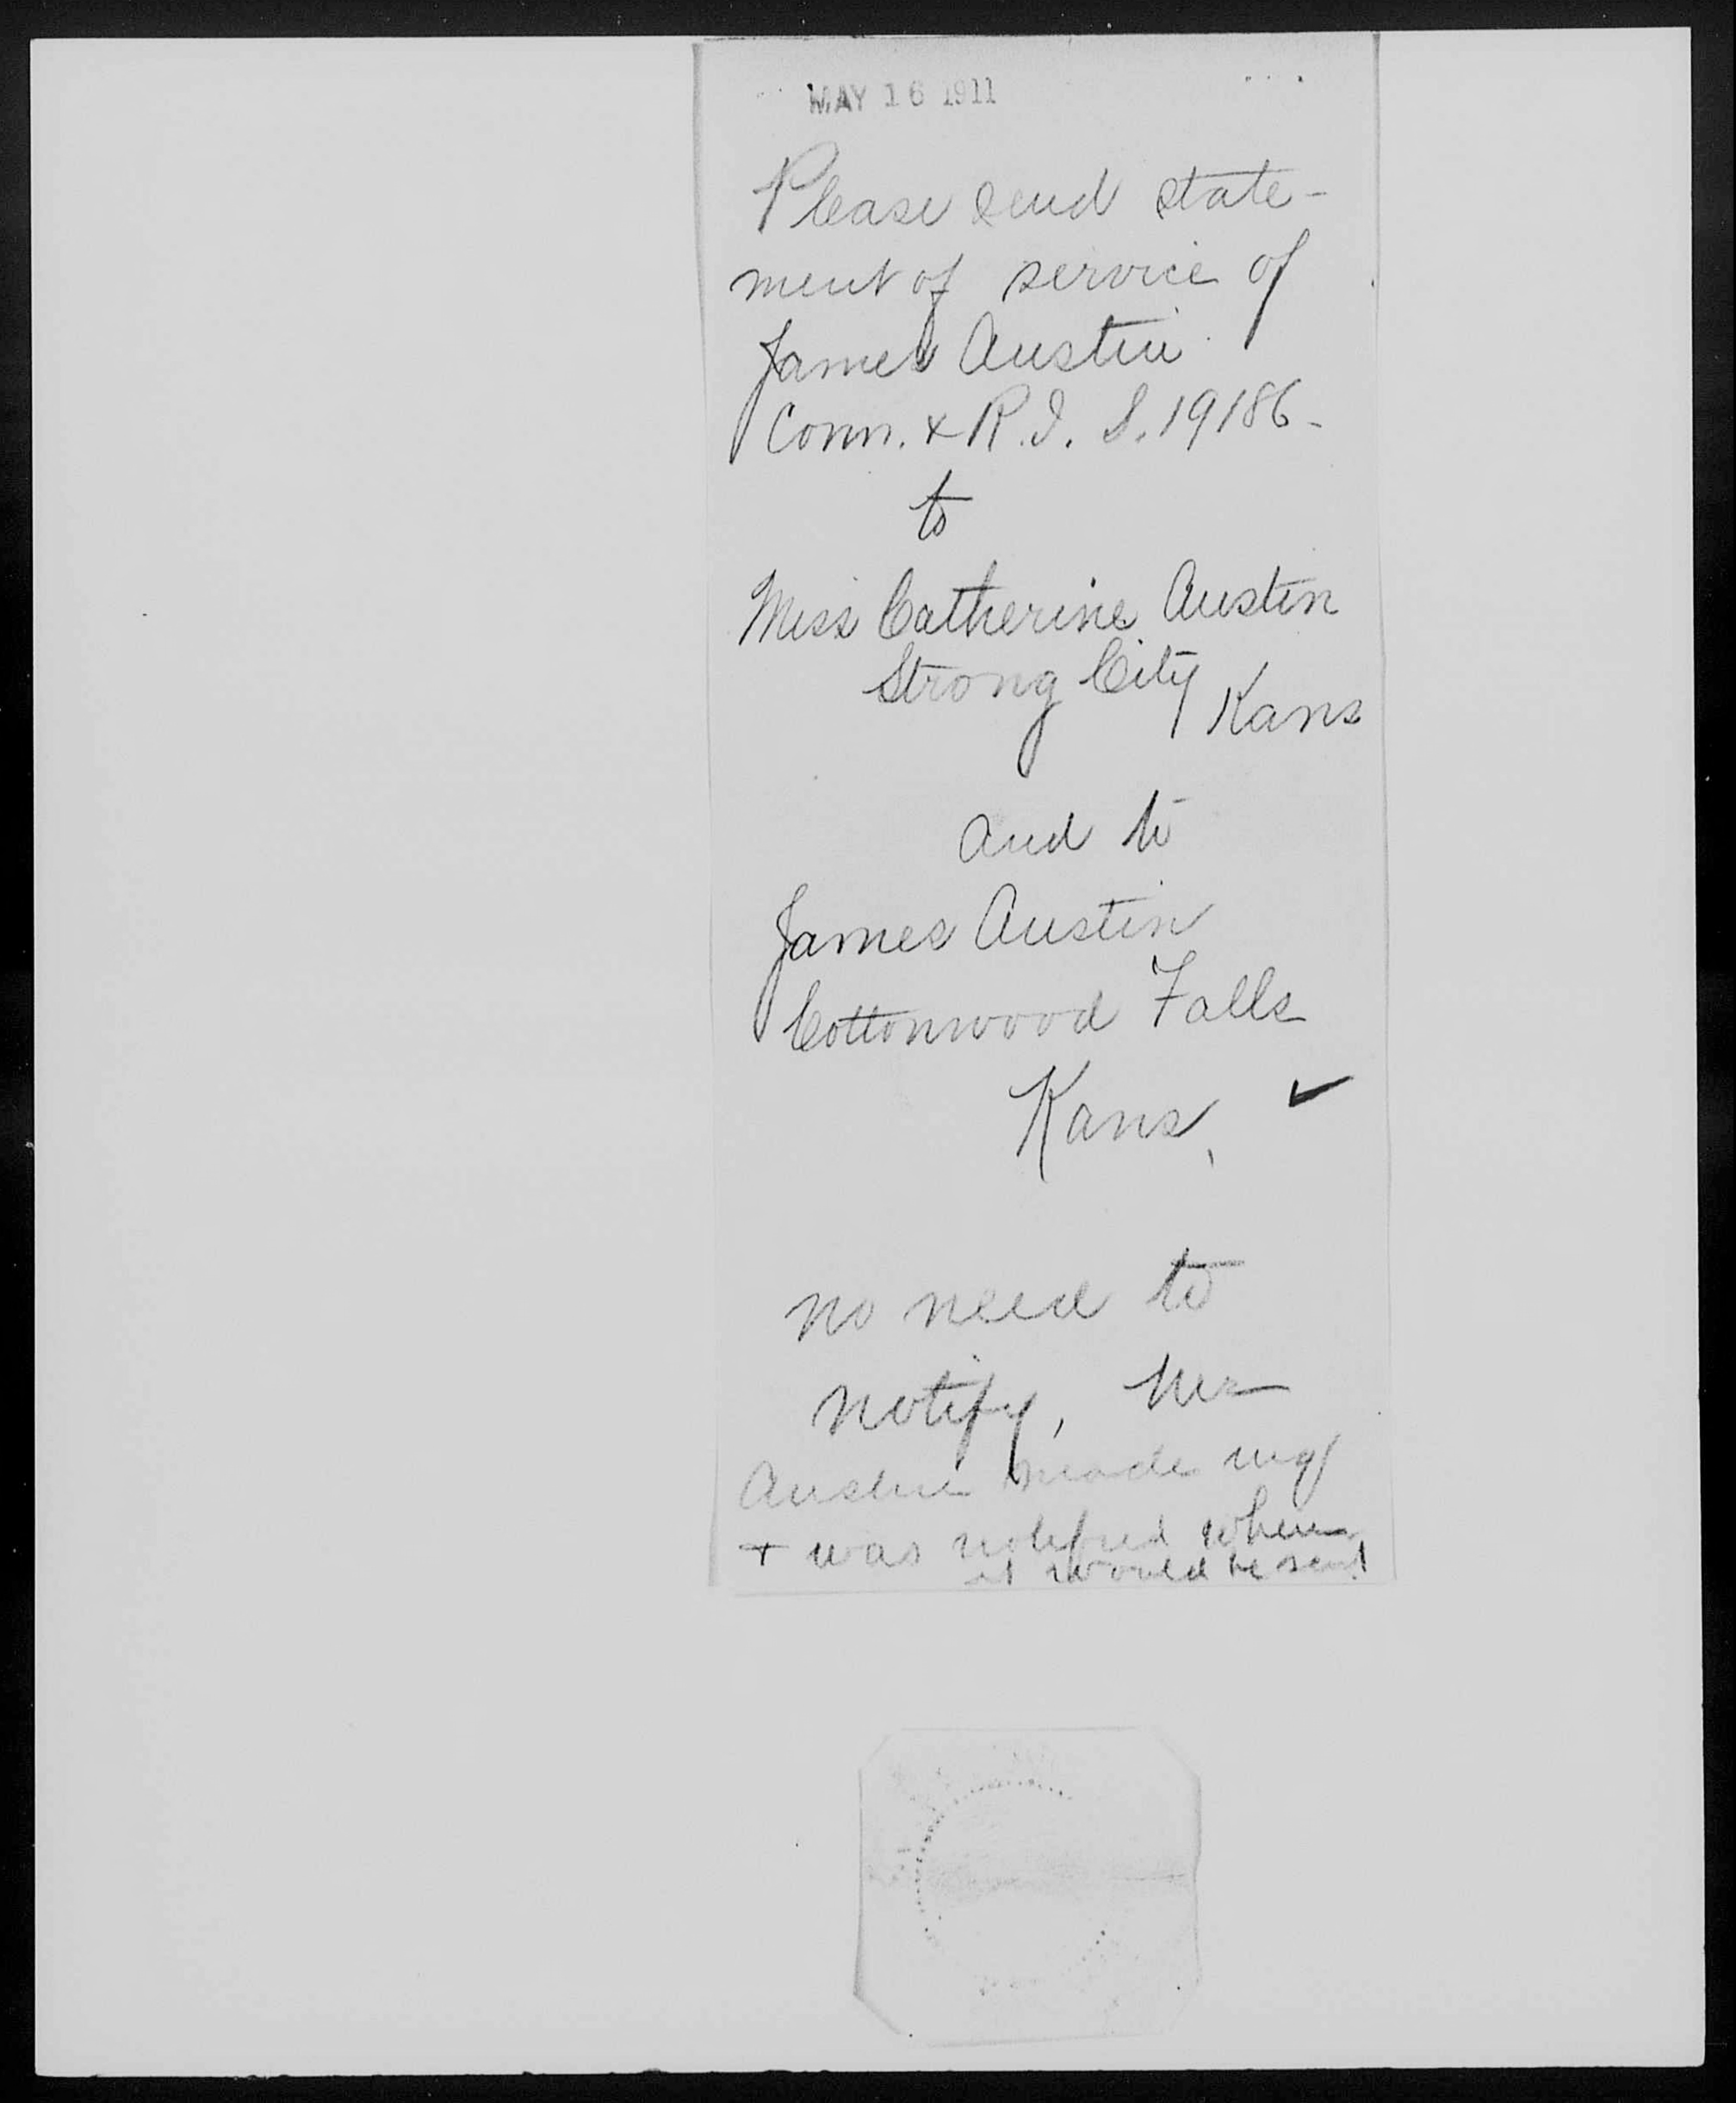May 16, 1911
Please send state - 
of service f 
James Austin
Conn. & R.I. S. 19186 -
to
Miss Catherine Austin
Strong City Kans
and to 
James Austin
Cottonwood Falls
Kans
No need to notify, 
Mr. Austin
& was where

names: Austin, Catherine Austin, James Austin, James Austin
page: 37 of 100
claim: survivor's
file: S 19186, James Austin, Conn. New York R.I.